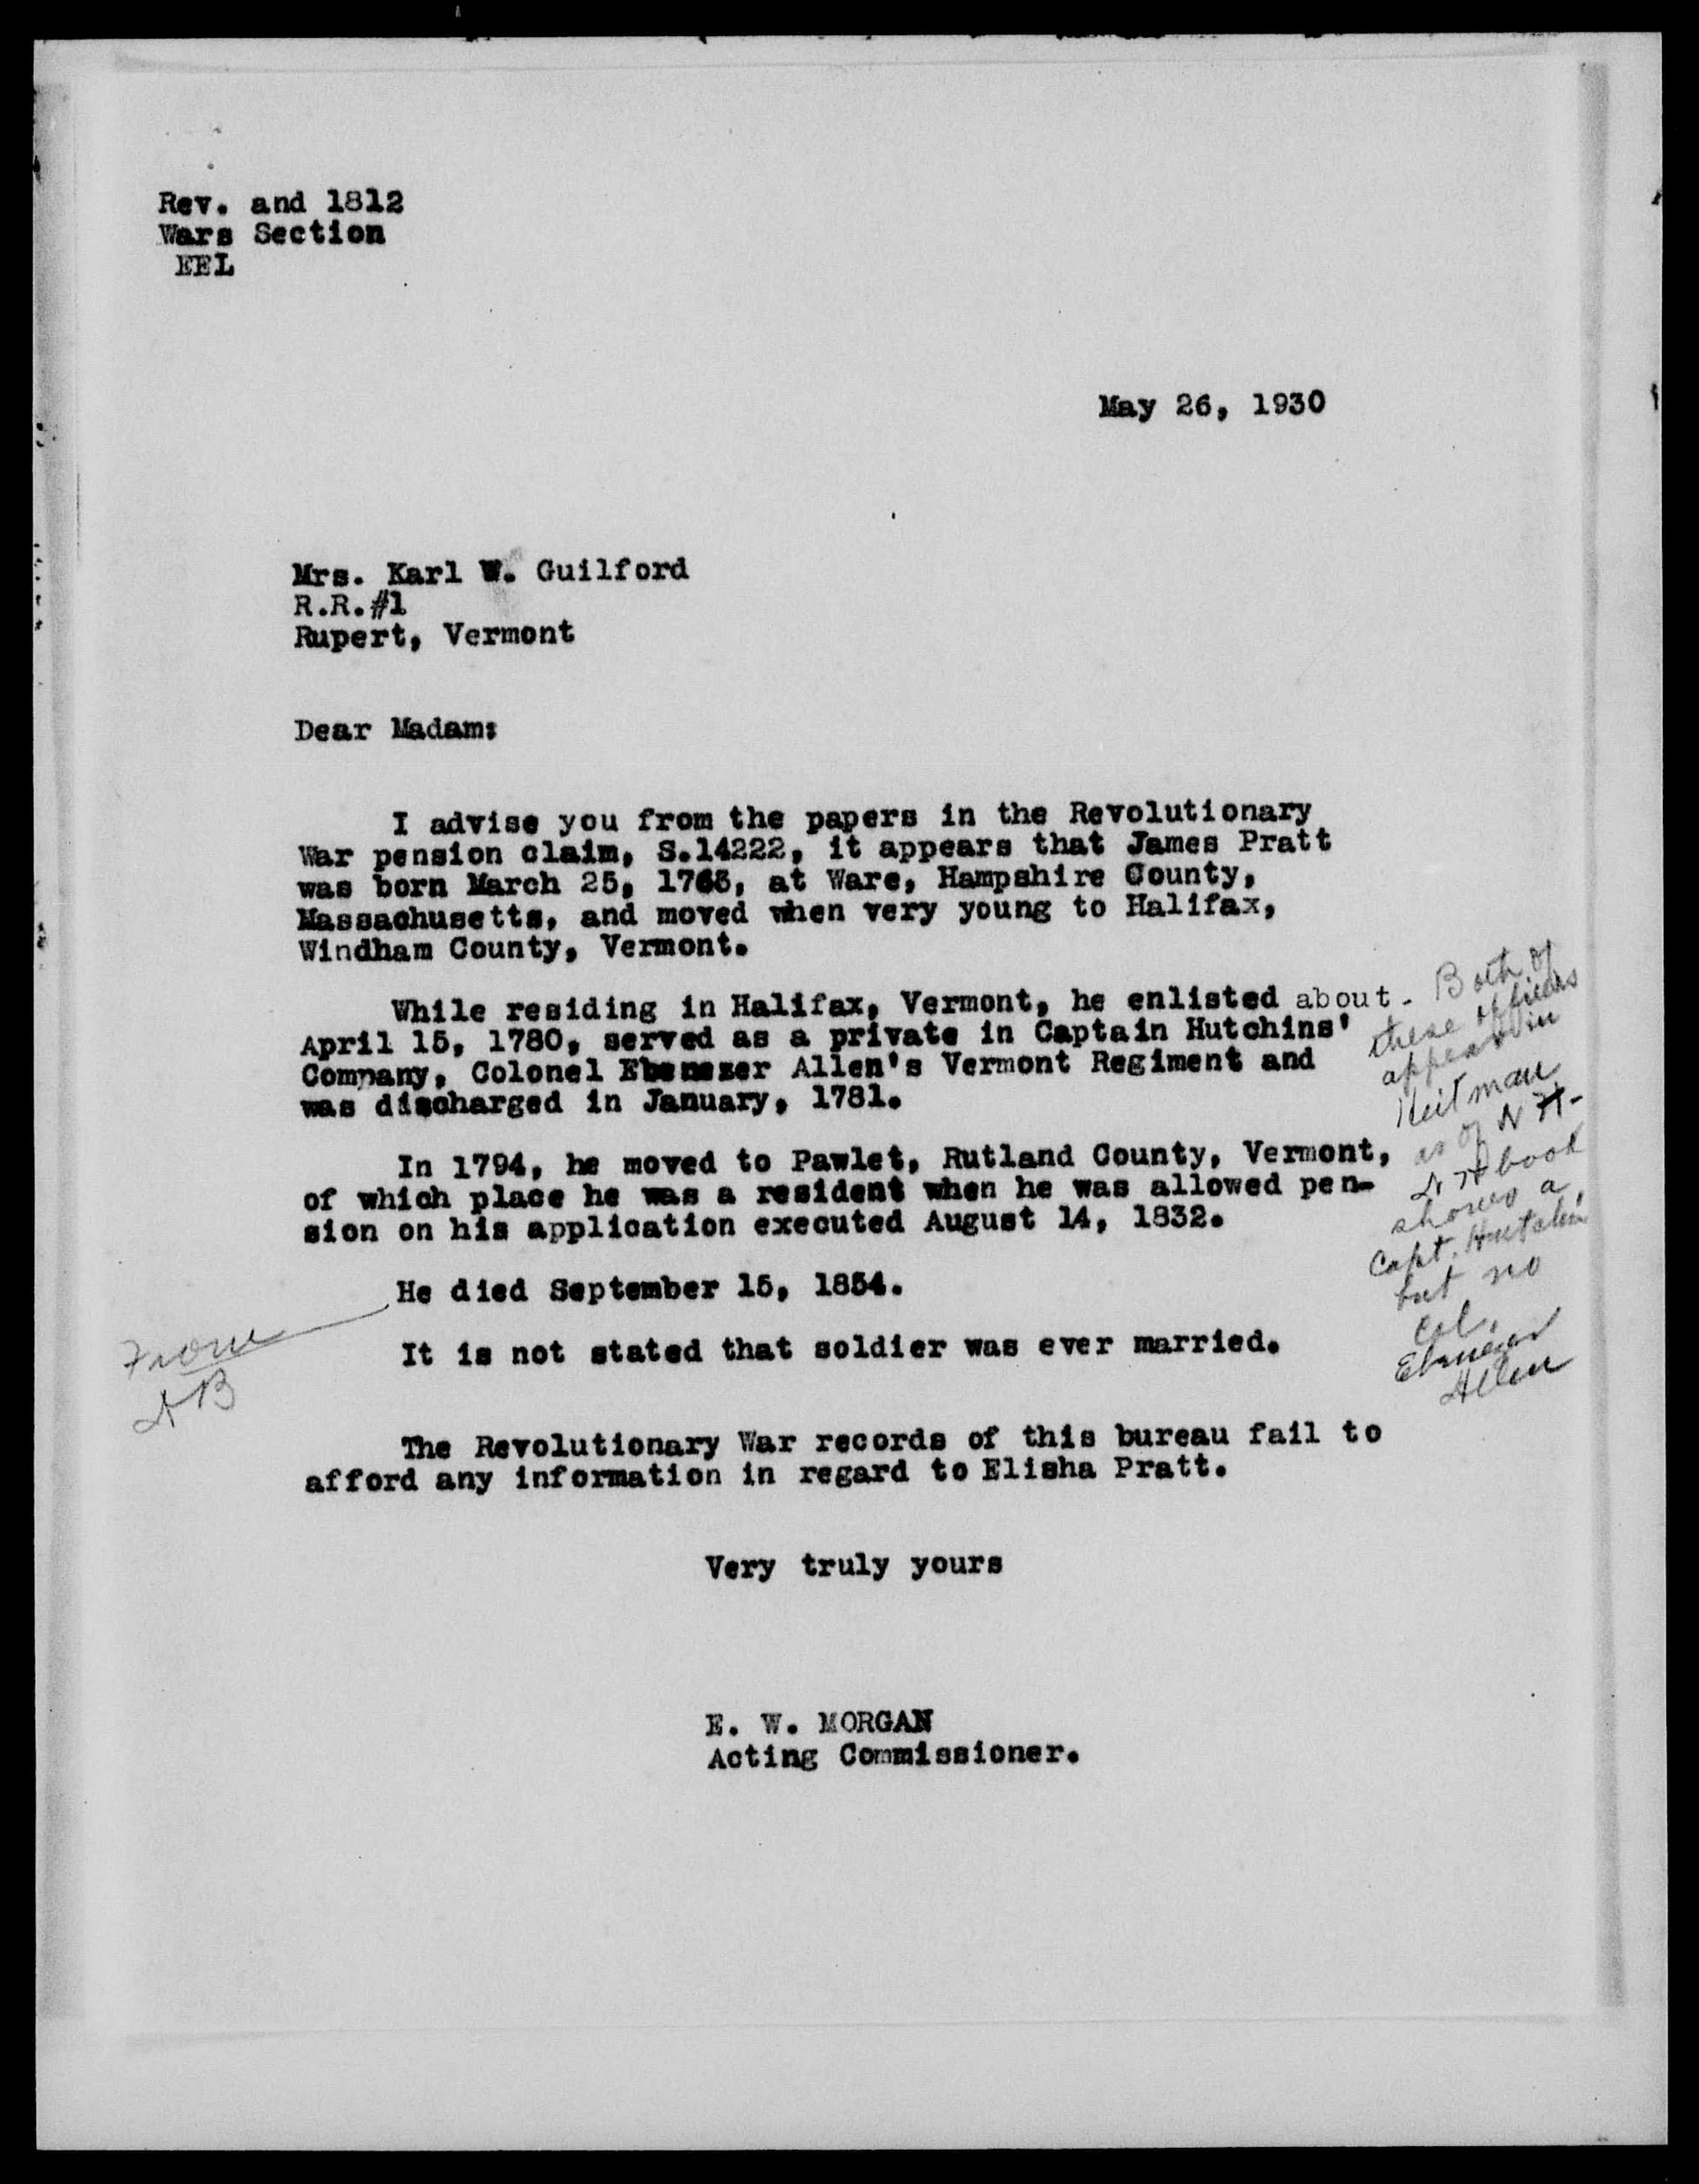May 26, 1930
Mrs. Karl W. Guilford
R. R. #1
Rupert, Vermont
Dear Madam:
I advise you from the papers in the Revolutionary War
pension claim, S.14222, it appears that James Pratt was
born March 25, 1765, at Ware, Hampshire County,
Masschusetts, and moved when very young to Halifax,
in Windham County, Vermont.
While residing in Halifax, Vermont, he enlisted about April 15, 1780, served as a private in Captain Hutchins' company, Colonel Ebenezer Allen's Vermont Regiment and
was discharged in January, 1781.

In 1794, he moved to Pawlet, Rutland County, Vermont, of which place he was a resident when he was allowed pension on
his application executed August 14, 1832.


From AB [handwritten] 
He died September 15, 1854.
It is not stated that soldier was ever married.

The Revolutionary War records of this bureau fail to afford
any information in regard to Elisha Pratt.
Very truly yours
E. W. MORGAN
Acting Commissioner.

[handwritten] Both of these officers appear in Heitman as of NH [ ] book shows a Capt Hutchins but no Col Ebenezer Allen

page: 28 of 29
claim: survivor's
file: S. 14,222, for James Pratt, Vermont